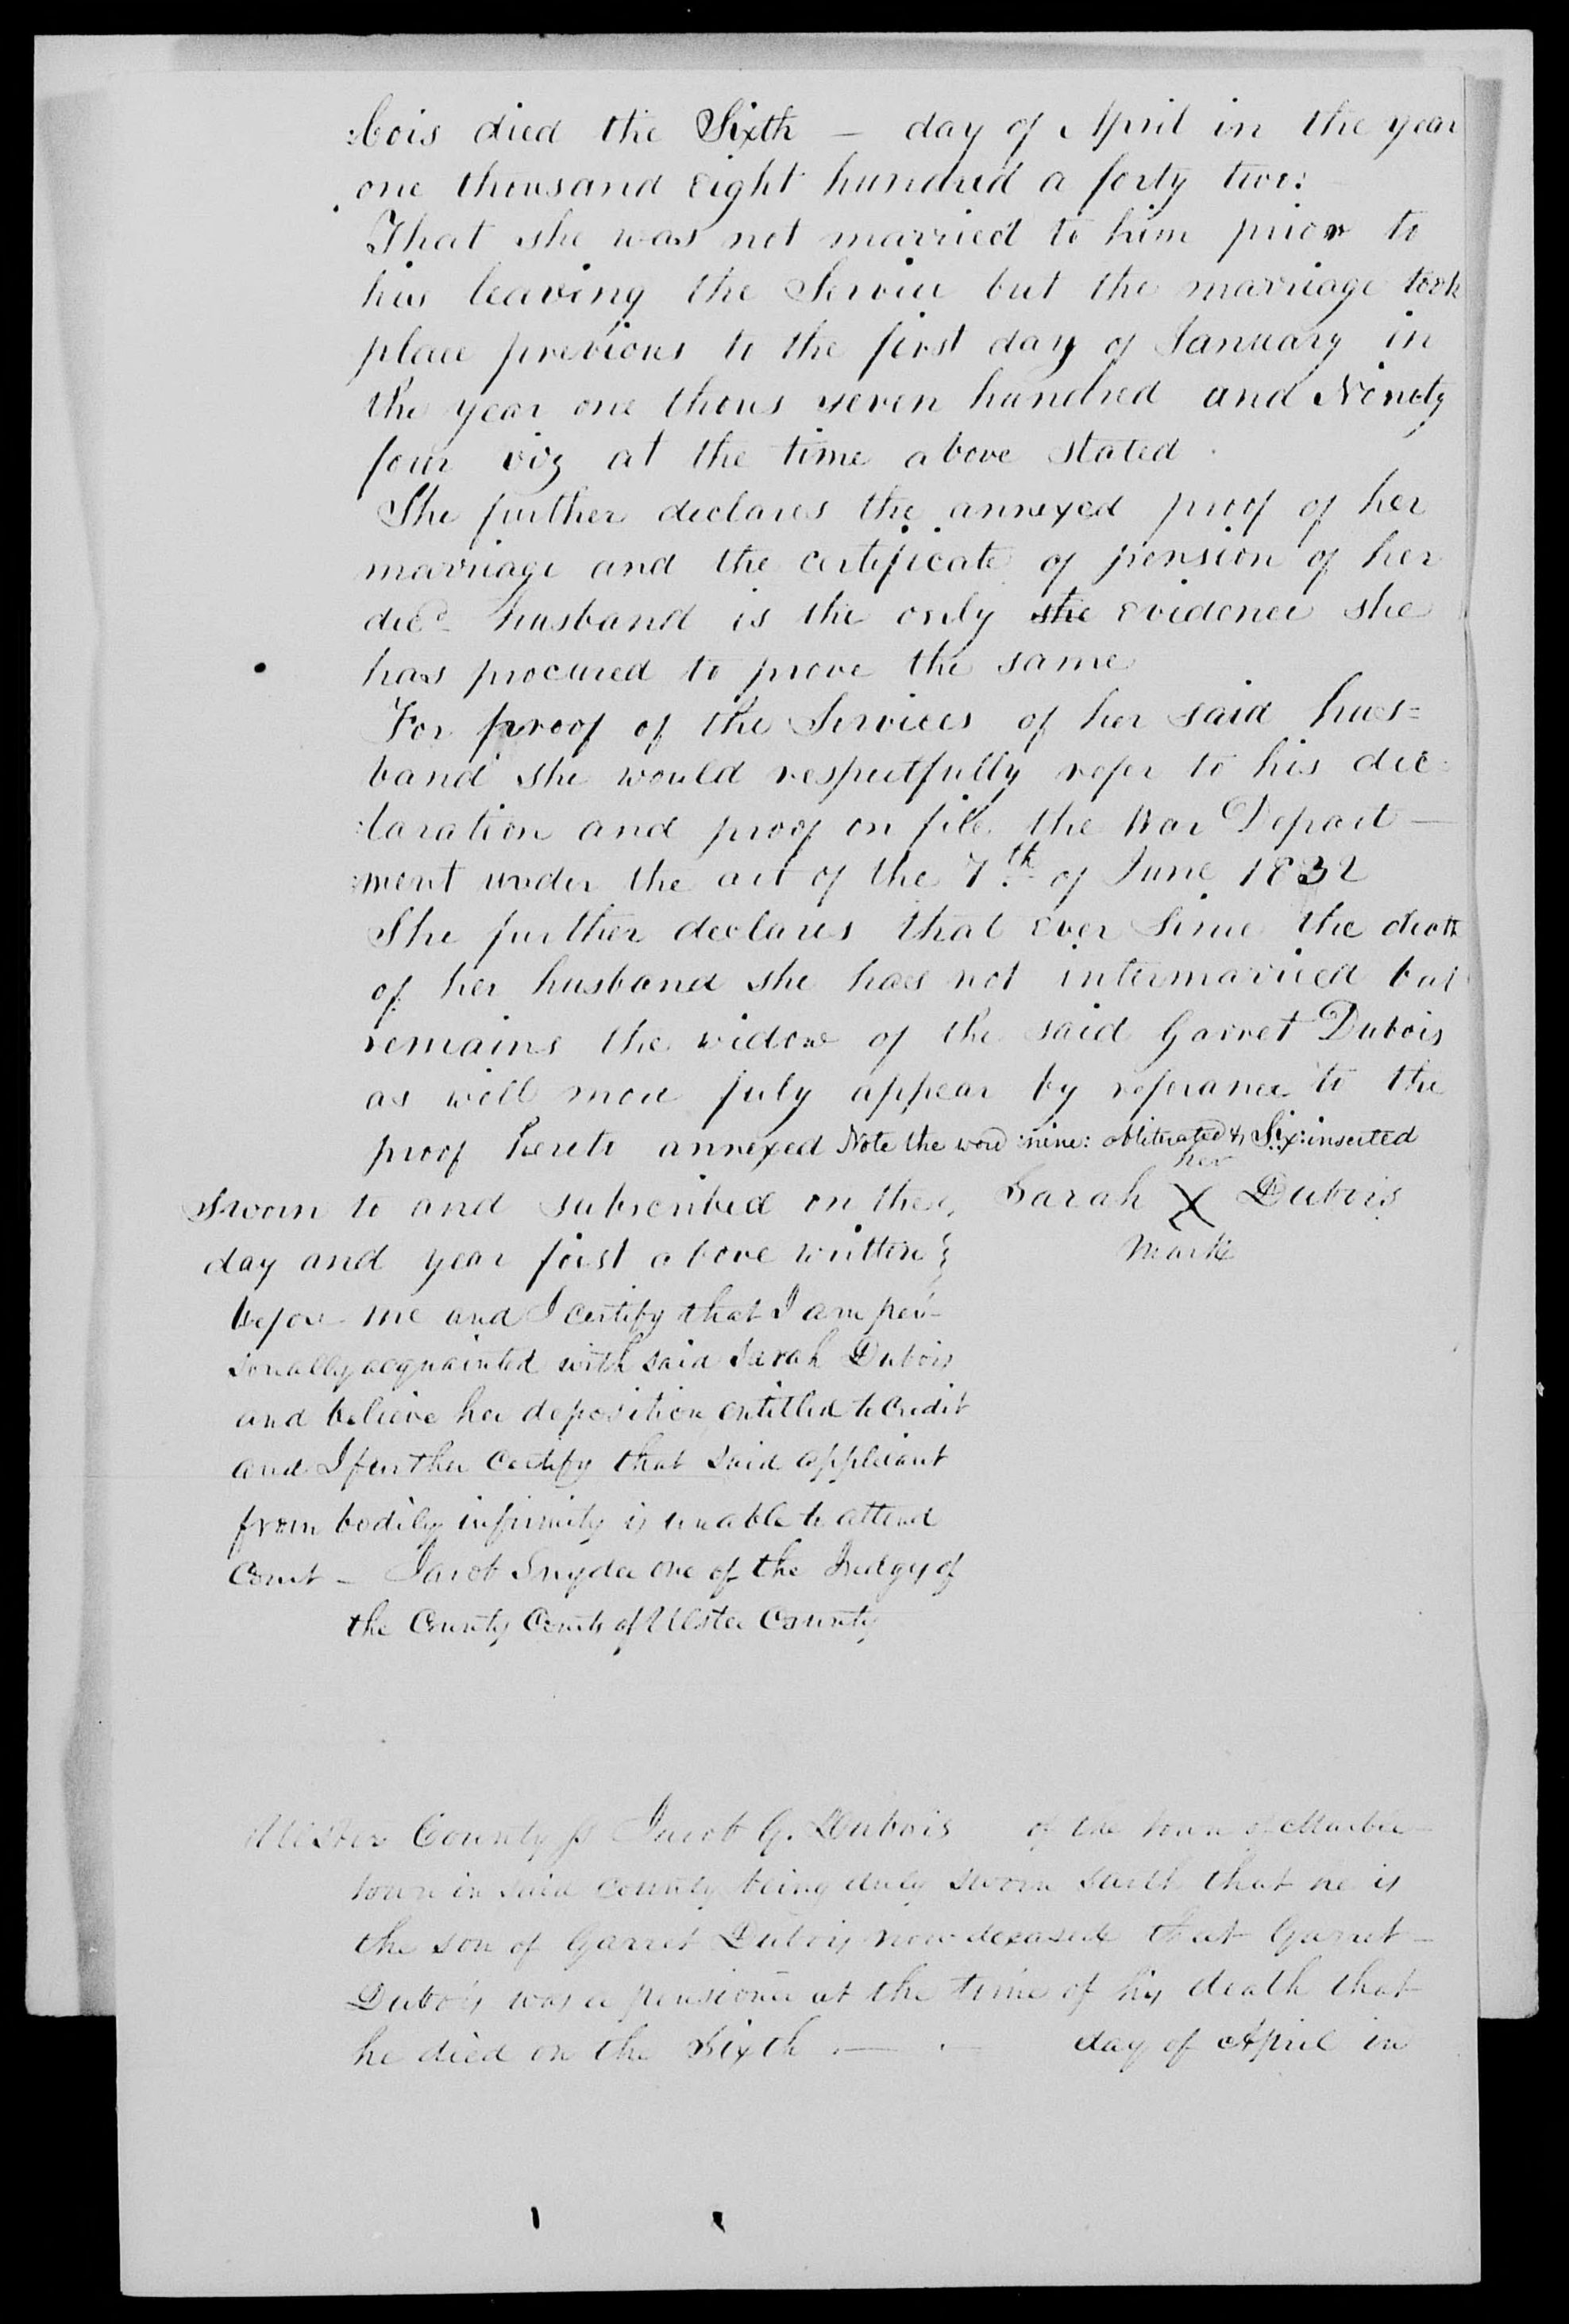(Du)bois died the Sixth day of April in the year one thousand eight hundred a forty two:
That she was not married to him prior to his leaving the service but the marriage took
place previous to the first day of January in the year one thous seven hundred and Ninety
four viz at the time above stated.
She further declares the annexed proof of her marriage and the certificate of pension of her
decd husband is the only the evidence she has procured to prove the same.
For proof of the services of her said husband she would respectfully refer to his declaration and proof on file the War Department under the act of the 7th of June 1832.
She further declares that ever since the death of her husband she has not intermarried but remains the widow of the said Garret Dubois as will more fully appear by referance to the proof hereto annexed.  Note the word nine: obliterated & Six inserted

[signed] Sarah (her X mark) Dubois

Sworn to and subscribed on the day and year first above written before me and I certify that I am personally acquainted with said Sarah Dubois and believe her deposition entitled to credit. And I 
further certify that said applicant from bodily infirmity is unable to attend Court-
Jacob Snyder one of the Judges of the County Courts of Ulster County

Ulster County ss Jacob G. Dubois of the town of Marbletown in said County being duly sworn saith that he is the son of Garret Dubois now deceased.  that Garret Dubois was a pensioner at the time of his death that he died on the Sixth day of April in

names: Sarah Dubois, Garret Dubois, Sarah Dubois, Jacob G Dubois, Garret Dubois, Garret Dubois, Jacob Snyder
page: 14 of 36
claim: widow's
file: W 20995, Gerrit Dubois, New York